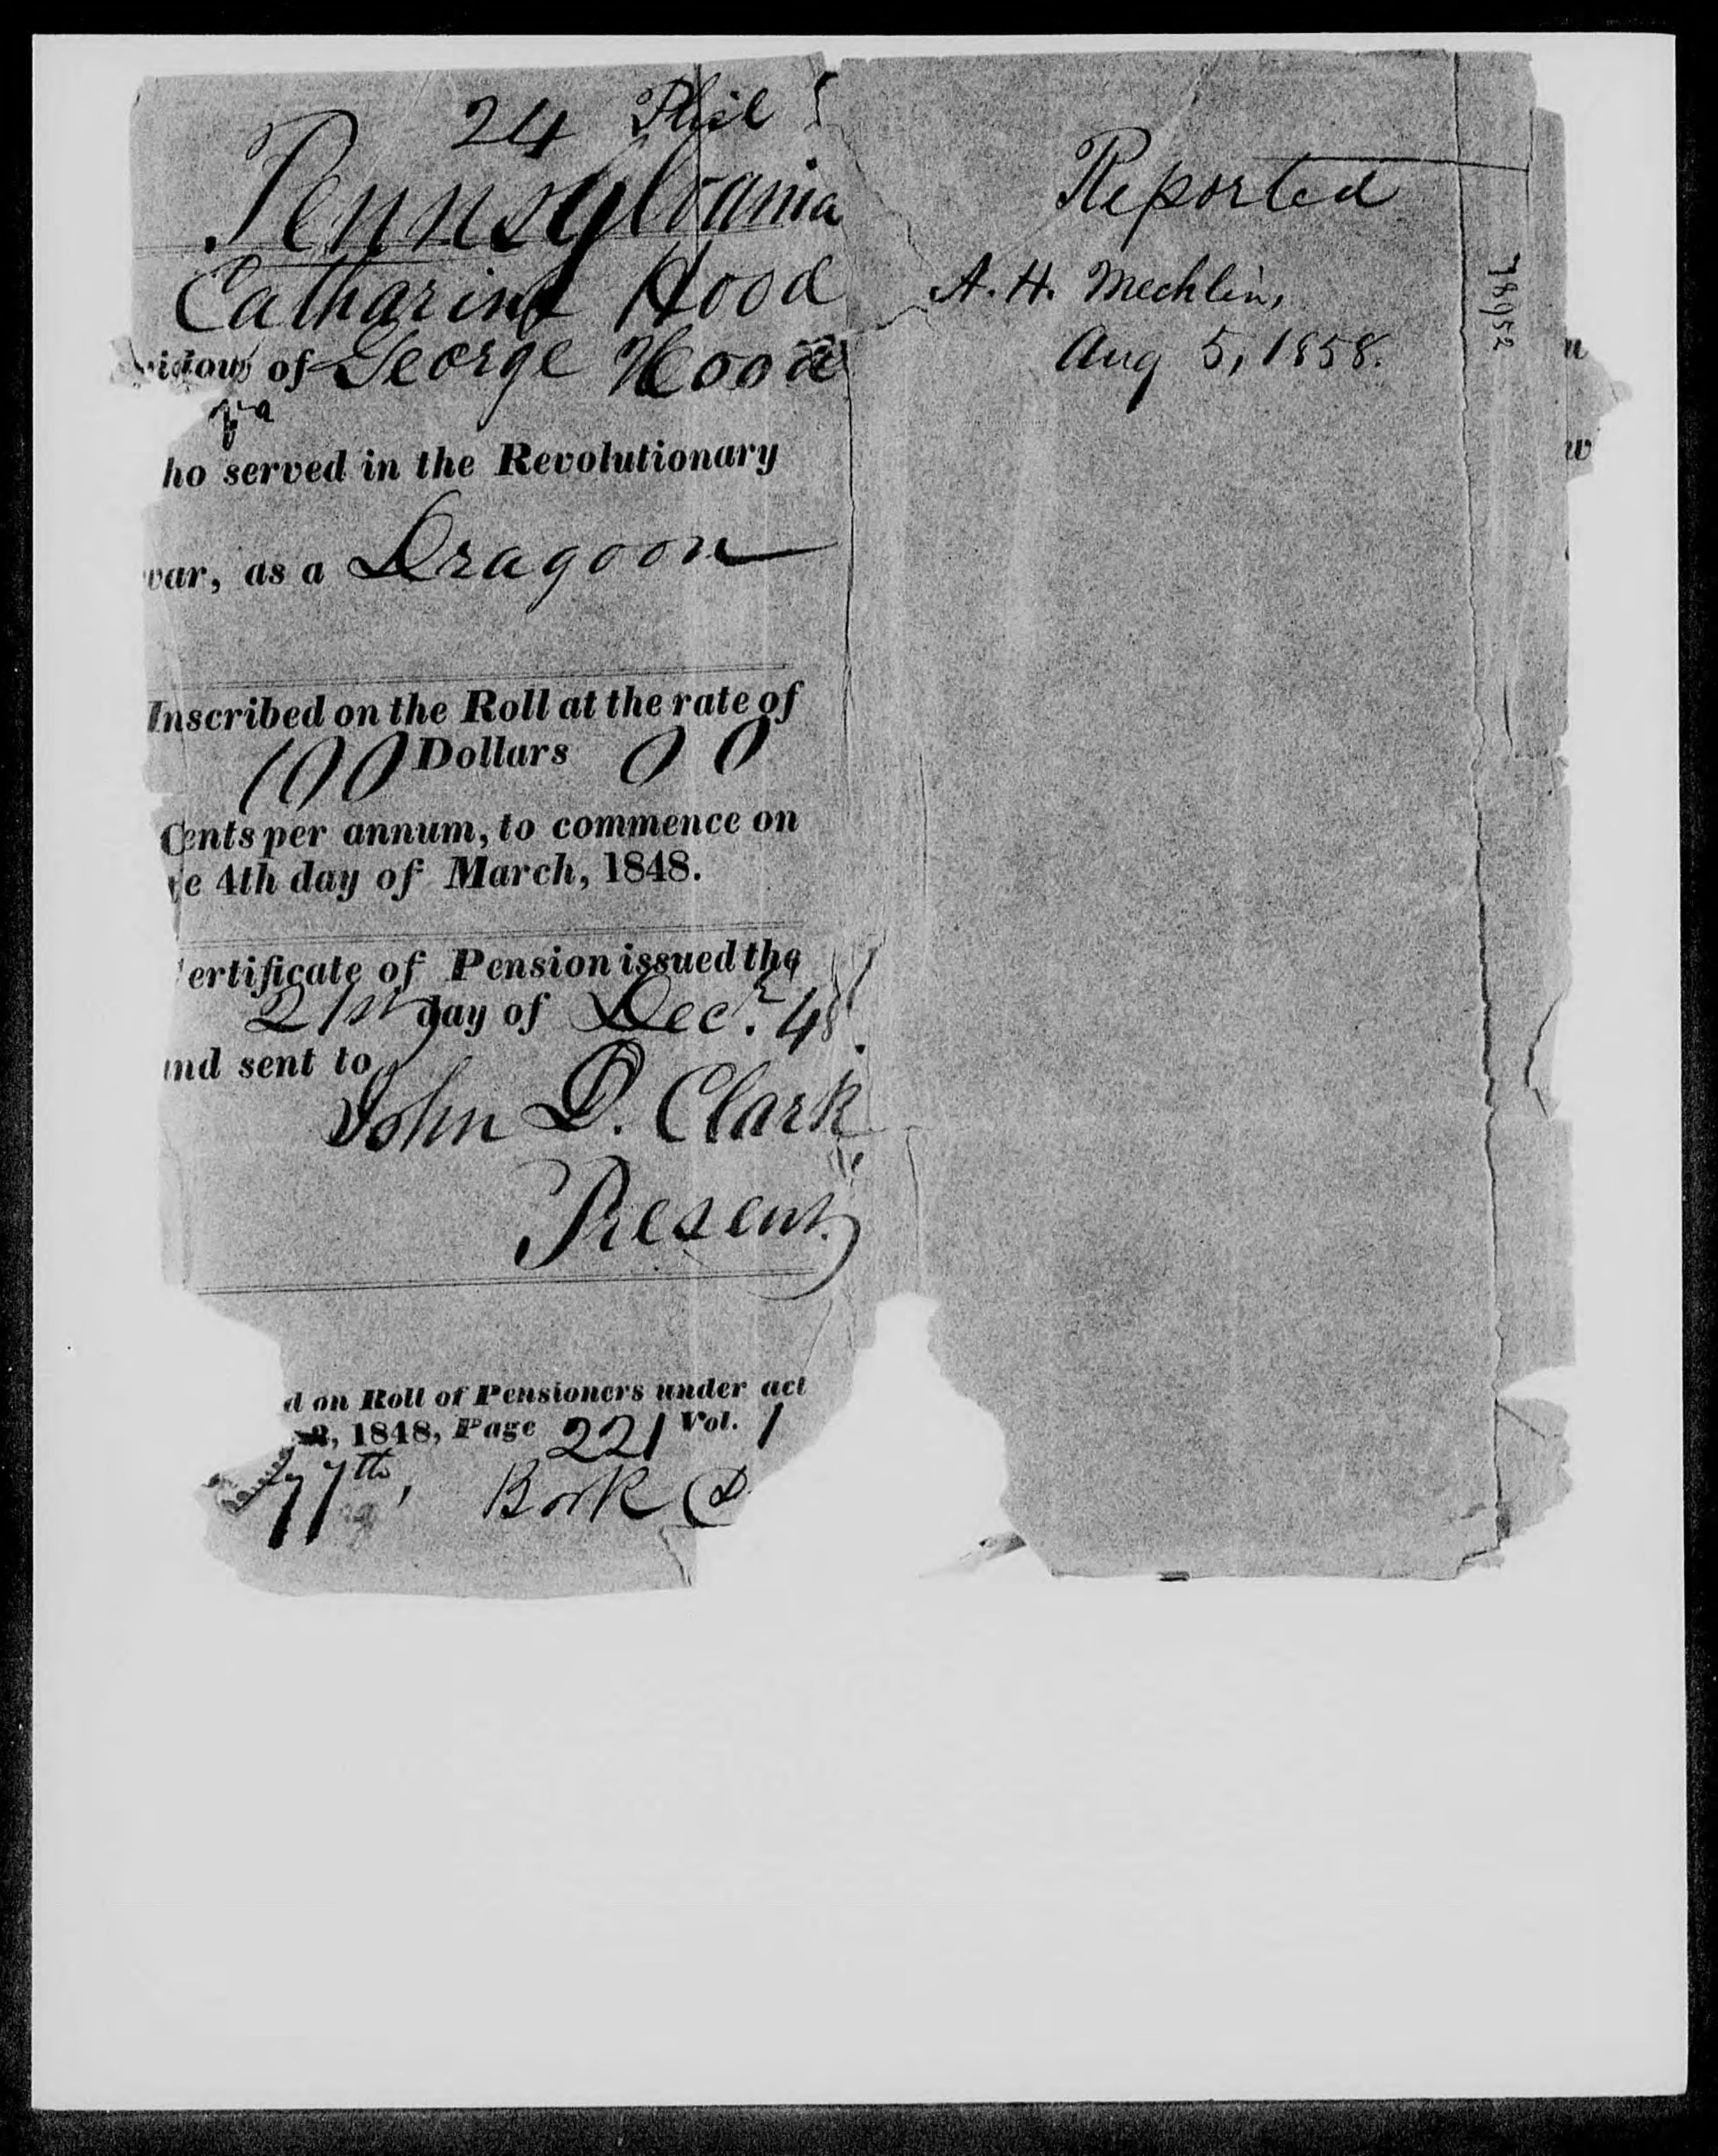24 Philadelphia, Pennsylvania
Reported 
A. H. Mechlin
August 5, 1858

Catharine Hood, Widow of George Hood, who served in the Revolutionary War as a Dragoon. 
Inscribed on the Roll at the rate of 100 dollars 00 cents per annum, to commence on the 4th day of March 1848. 
Certificate of Pension issued 21st day of December 1848 [Missing Text] sent to John D. Clark, Present
[Missing Text] 
Book D, Vol. 1, Page 221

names: Catharine Hood, George Hood, John D Clark, A H Mecklins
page: 2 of 51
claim: widow's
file: W 8939, George Hood, Continental Va.